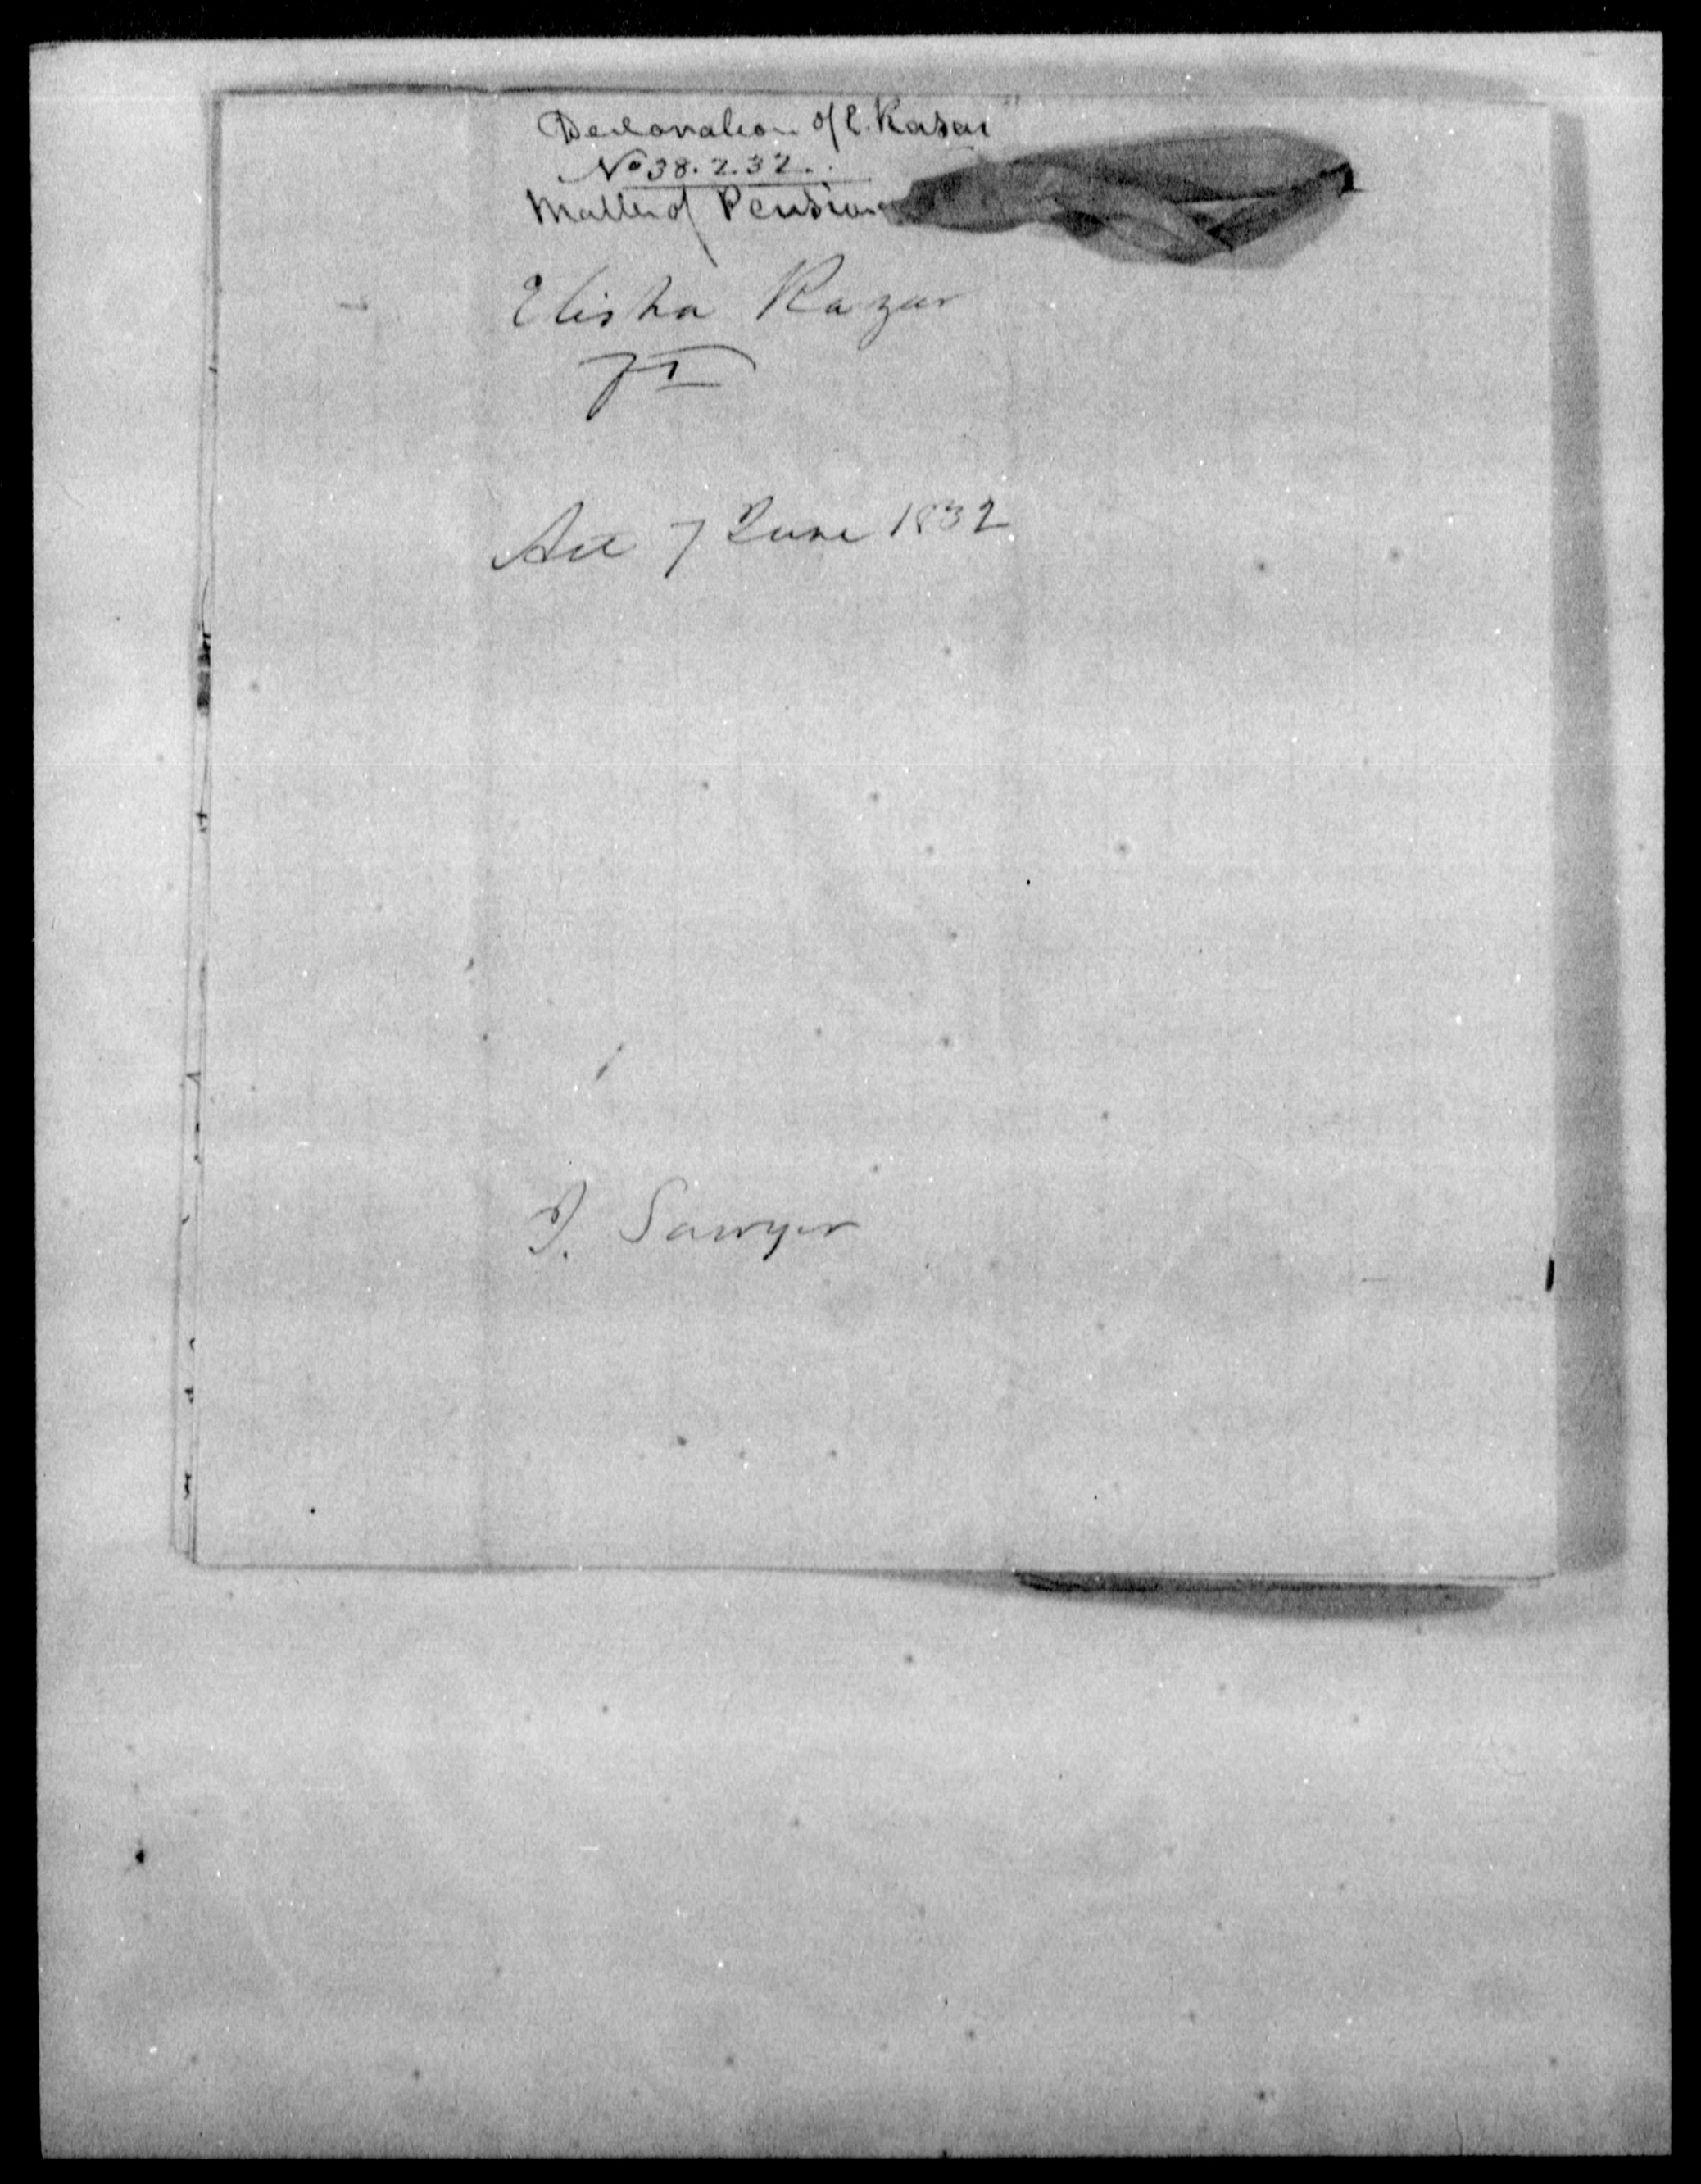Declaration of Cases
No 38.2.32.
matter of Pension
Elisha Razar
Vt

Act 7 June 1832

J Sawyer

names: J Sawyer; E Rasar; Elisha Razar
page: 2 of 30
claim: rejected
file: R. 8625, for Elisha Razar, Connecticut